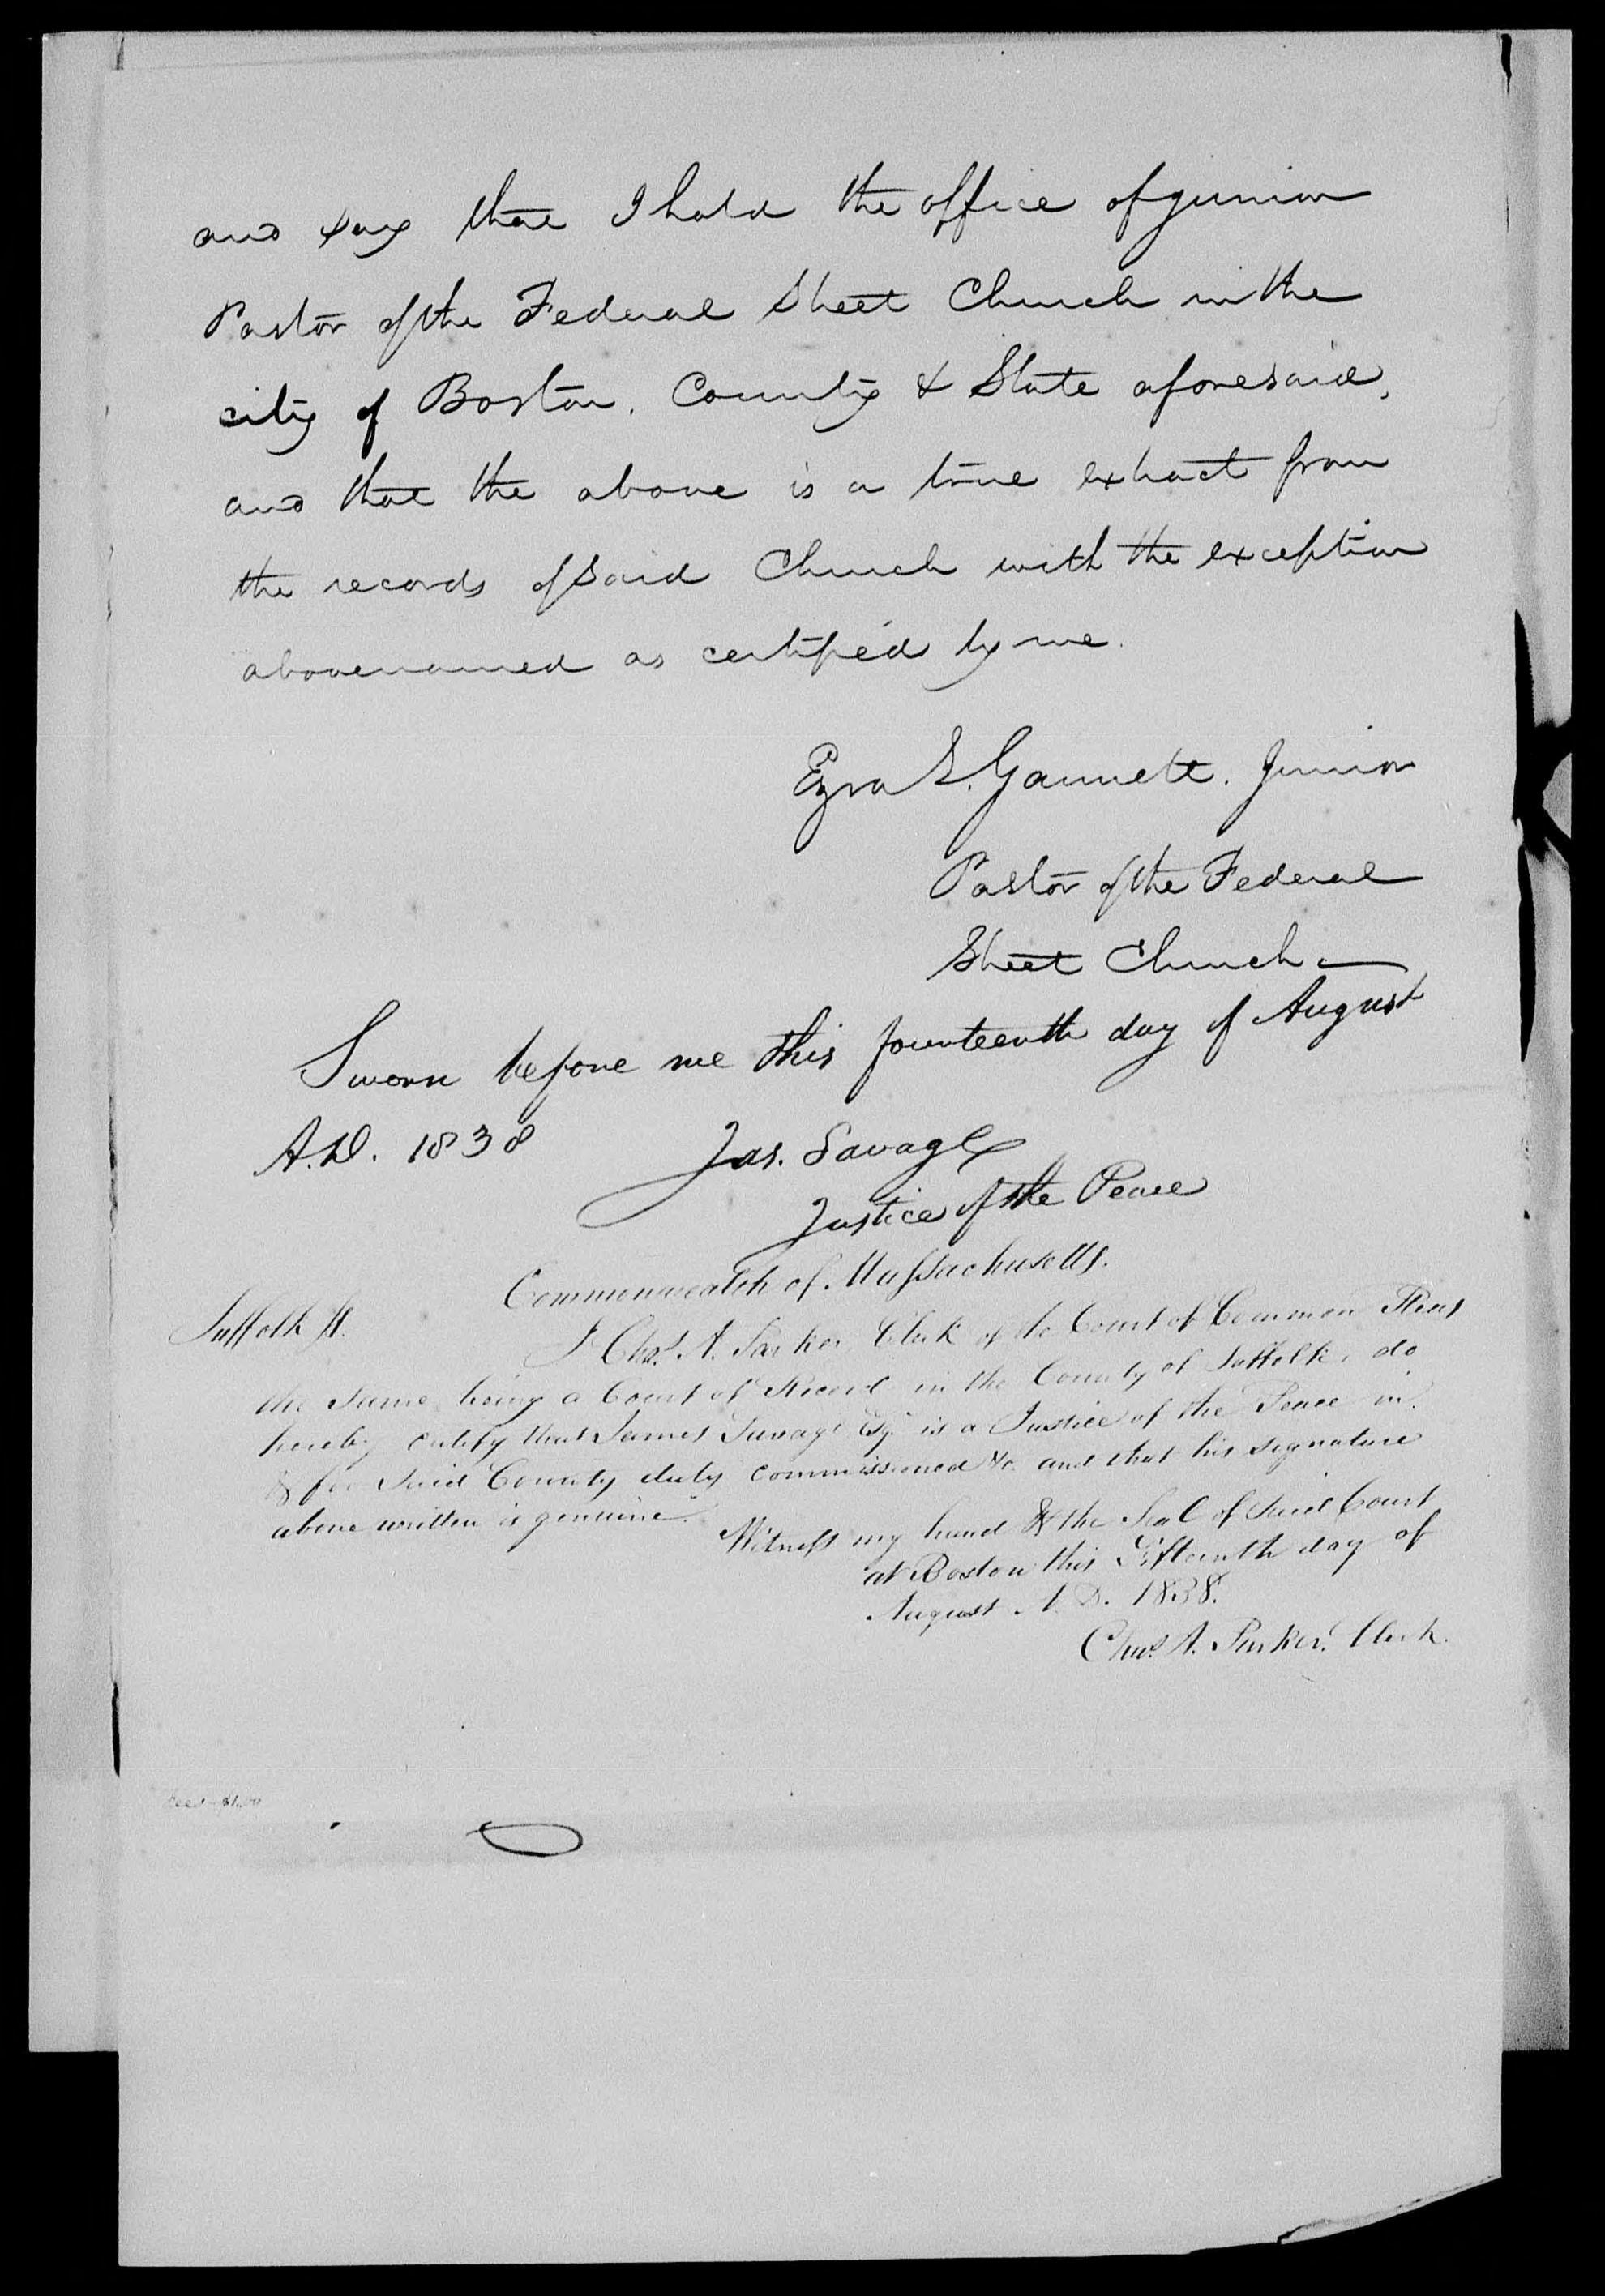and say that I hold the office of Junior Pastor of the Federal Sheet Church in the city of Boston, County & State aforesaid, and that the above is a true extract from the records of said Church with the exception aforementioned as certified by me.

Ezra S. Gannett, Junior Pastor of the Federal Sheet Church
Sworn before me this fourteenth day of August A.D. 1838
Jas. Savage
Justice of the Peace

Commonwealth of Massachusetts
Suffolk SS
I Charles A. Parker Clerk of the Court of Common Pleas the same being a Court of Record in the County of Suffolk, do hereby certify that James Savage is a Justice of the Peace in and for said County duly commissioned and that his signature above written is genuine.
Witness my hand & the Seal of Said Court at Boston this Fifteenth day of August A.D. 1838.
Chal. A. Parker. Clerk.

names: Ezra S Gannett; Jas Savage; Chas A Parker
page: 9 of 23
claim: widow's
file: W. 15010, for Thomas Lamb, Massachusetts